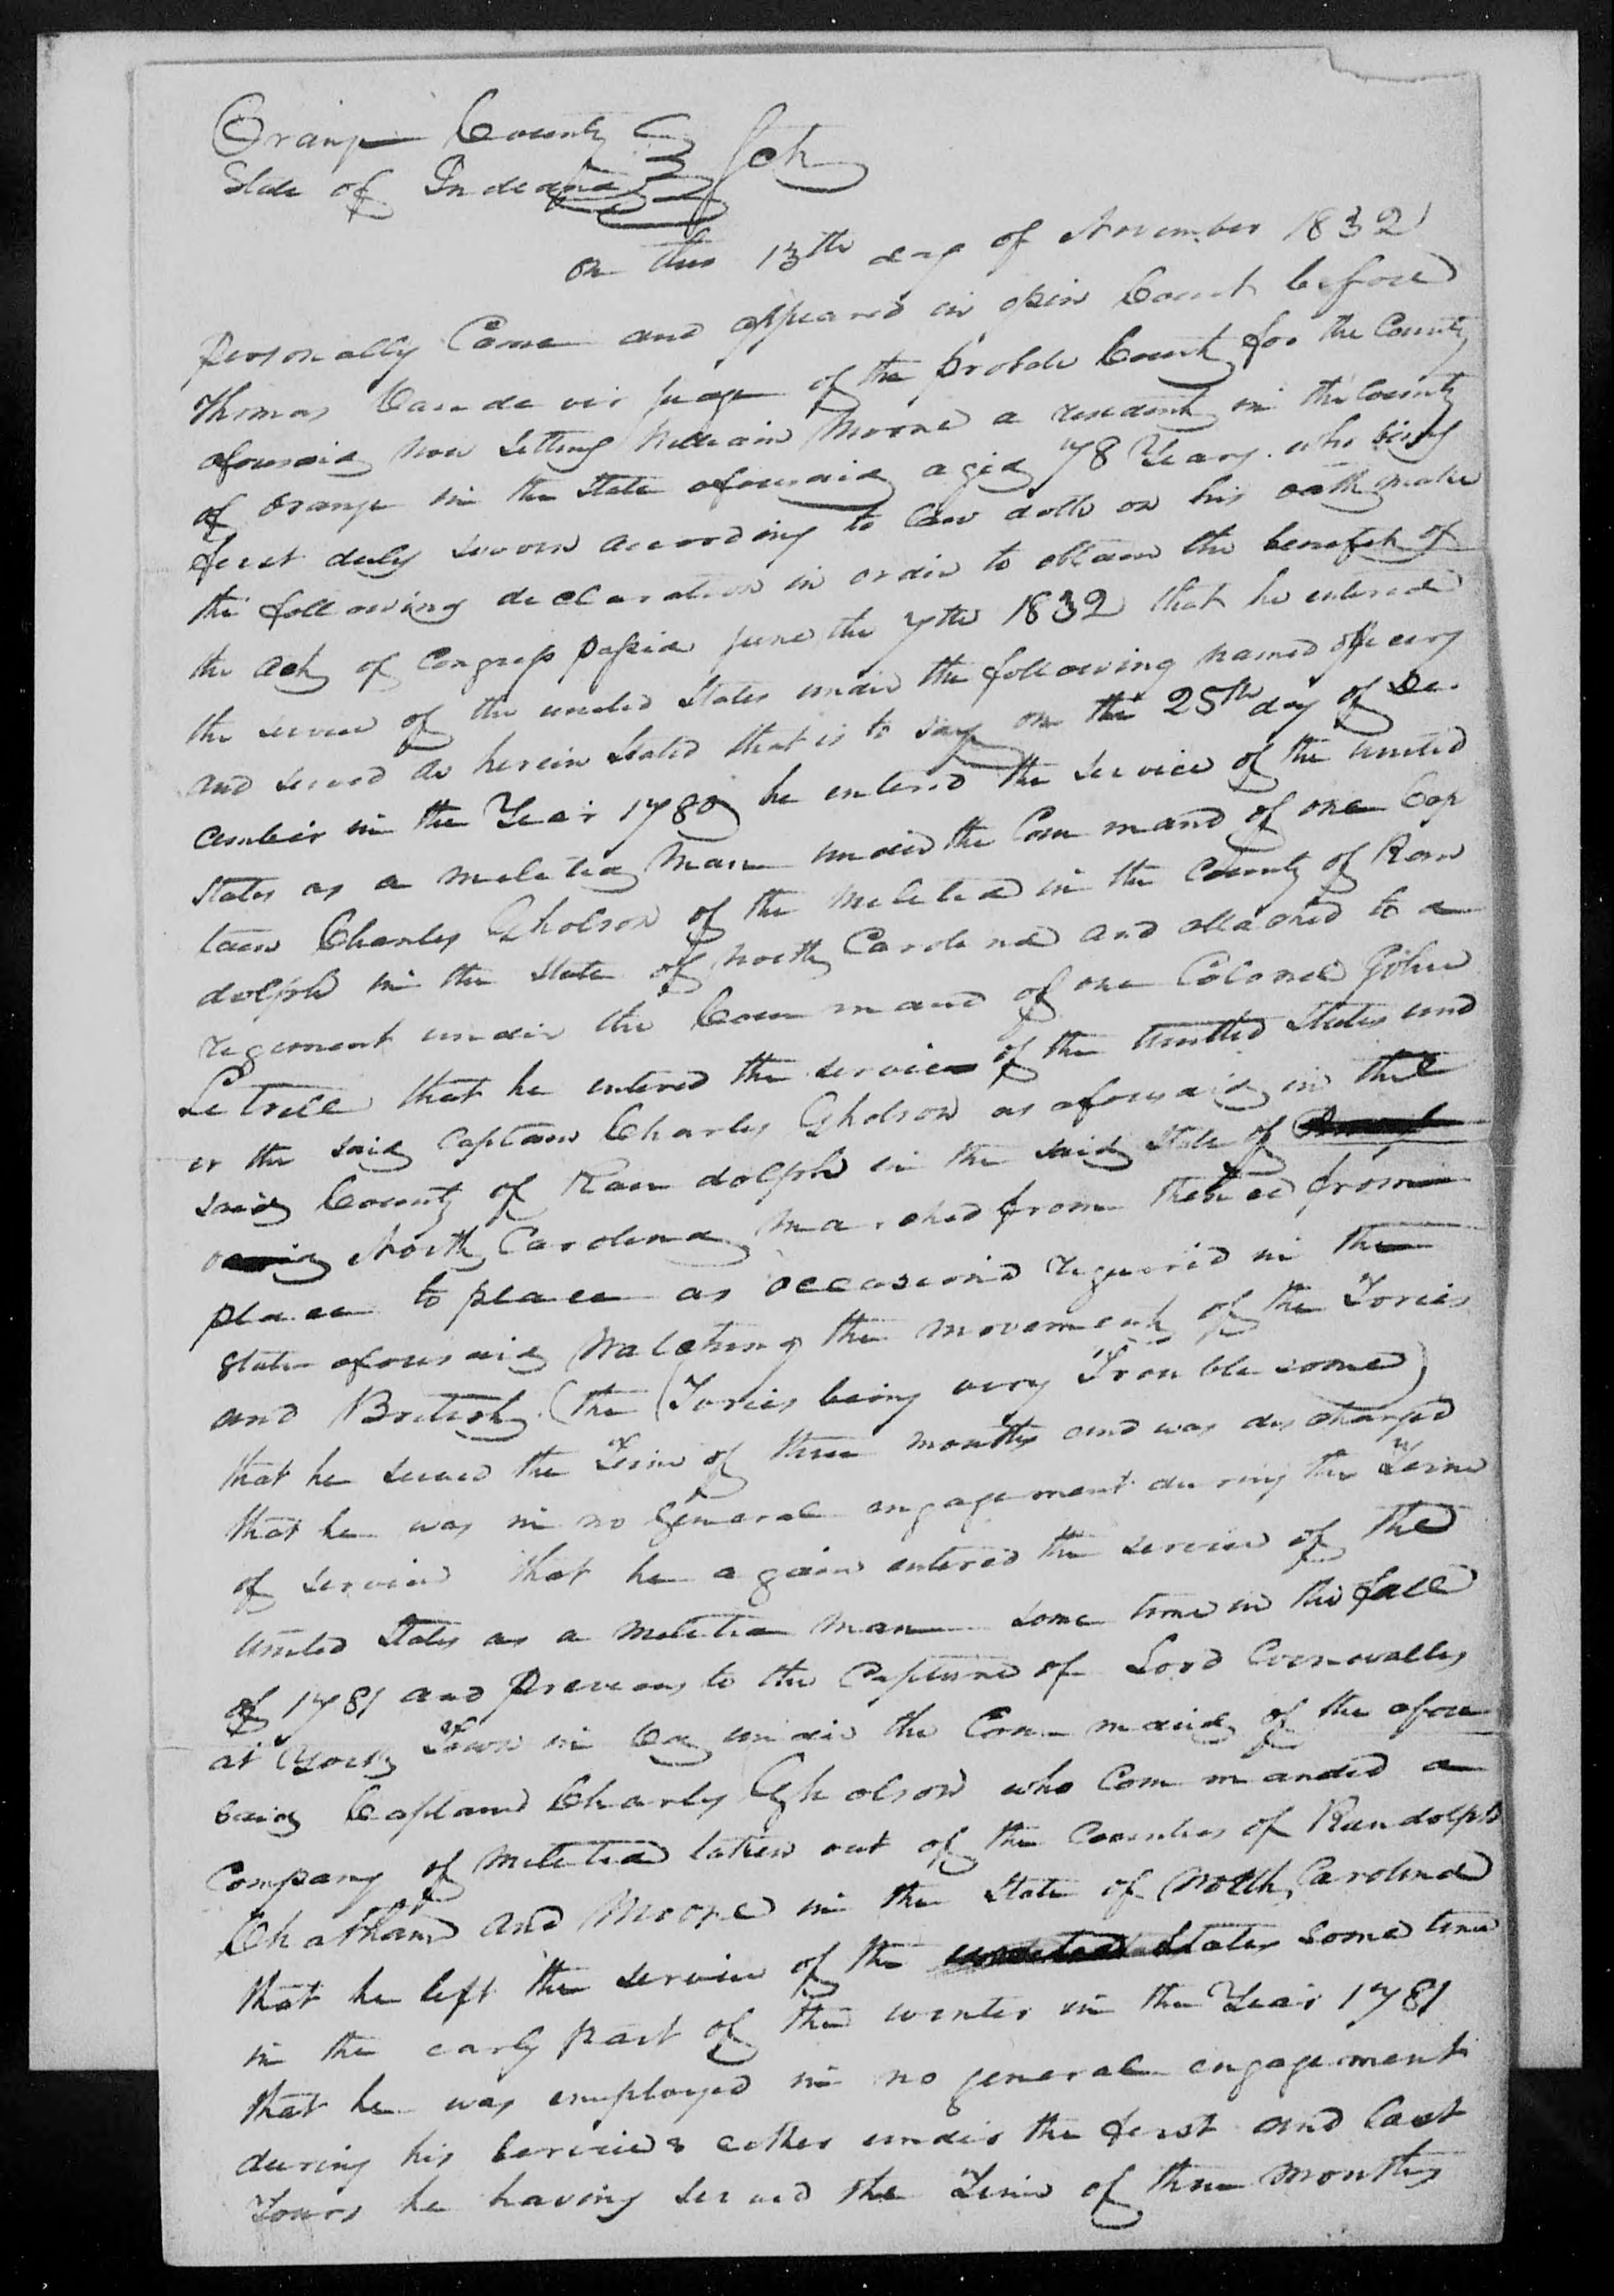Orange County State of Indiana: Sct. 
     On this 13th day of November 1832 personally came and appeared in open Court before Thomas Vandeveer Judge of the probate Court for the County aforesaid now sitting William Moore a resident in the County of Orange in the State aforesaid aged 78 Years who being first duly sworn according to law doth on his oath make the following declaration in order to obtain the benefit of the act of Congress passed June the 7th 1832 that he entered the service of the United States under the following named officers and served as herein stated that is to say on the 25th of December in the year 1780 he entered the service of the United States as a militia man 
under the command of one Capt. Charles Gholson of the Militia in the County of Randolph in the State of North Carolina and attached to a Regiment under the command of one Col. John Litrell, that he entered the service of the United States under the said Capt. Charles Gholson as aforesaid in the said County of Randolph in the said State of North Carolina marched from thence from place to place as occasion required in the state aforesaid watching the movements of the Tories and British (the Tories being very troublesome) that he served the term of three months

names: Thomas Vandavis; [BLANK] Cornwallis; William Moore; Charles Gholson; John Letrell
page: 4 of 16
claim: survivor's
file: S. 17,592, for William Moore, North Carolina